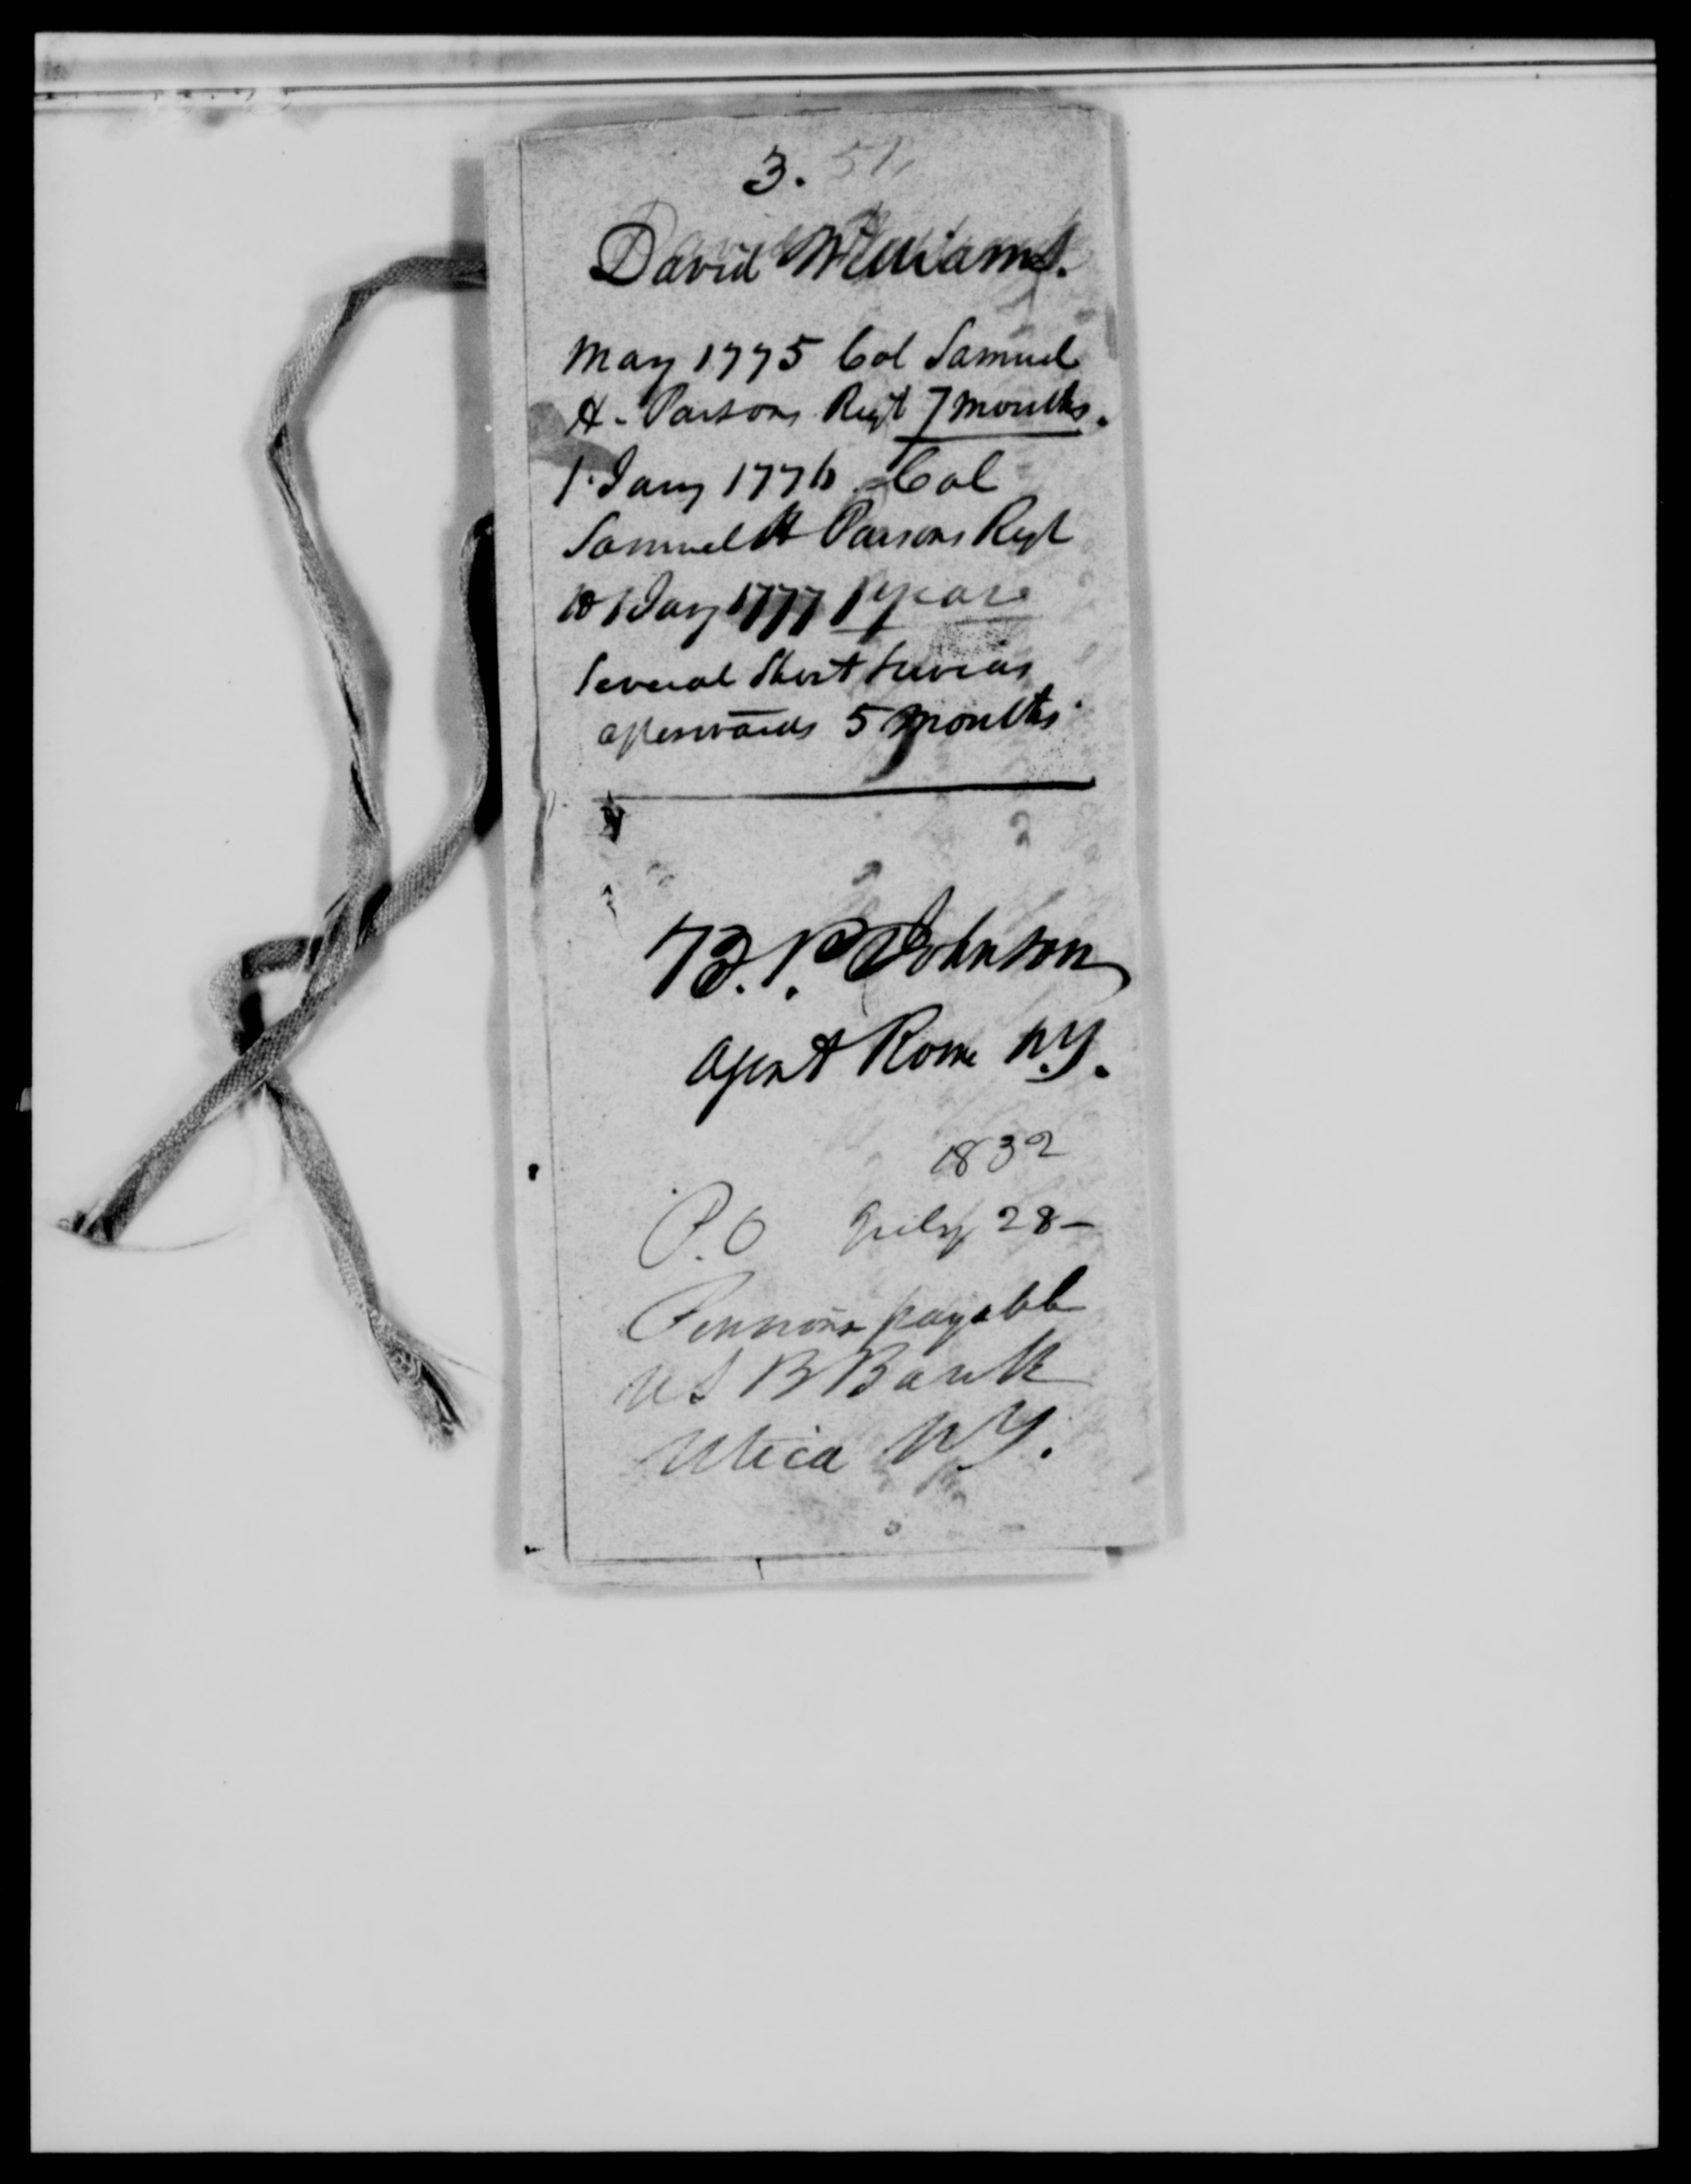3
David Williams
May 1775 Col Samuel H. Parsons Regt  7 months  1 Jany 1776 Col Samuel H. Parsons Regt 20 Jany 1777 1 year  Several Short services afterwards 5 months.

B R Johnson agent Rome N. Y.
1832
P O July 28
Pension payable U. S. B. Bank Utica N. Y.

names: David Williams, B P Johnson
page: 4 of 63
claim: widow's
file: W. 22,632, David Williams, Conn. Continental Privateer